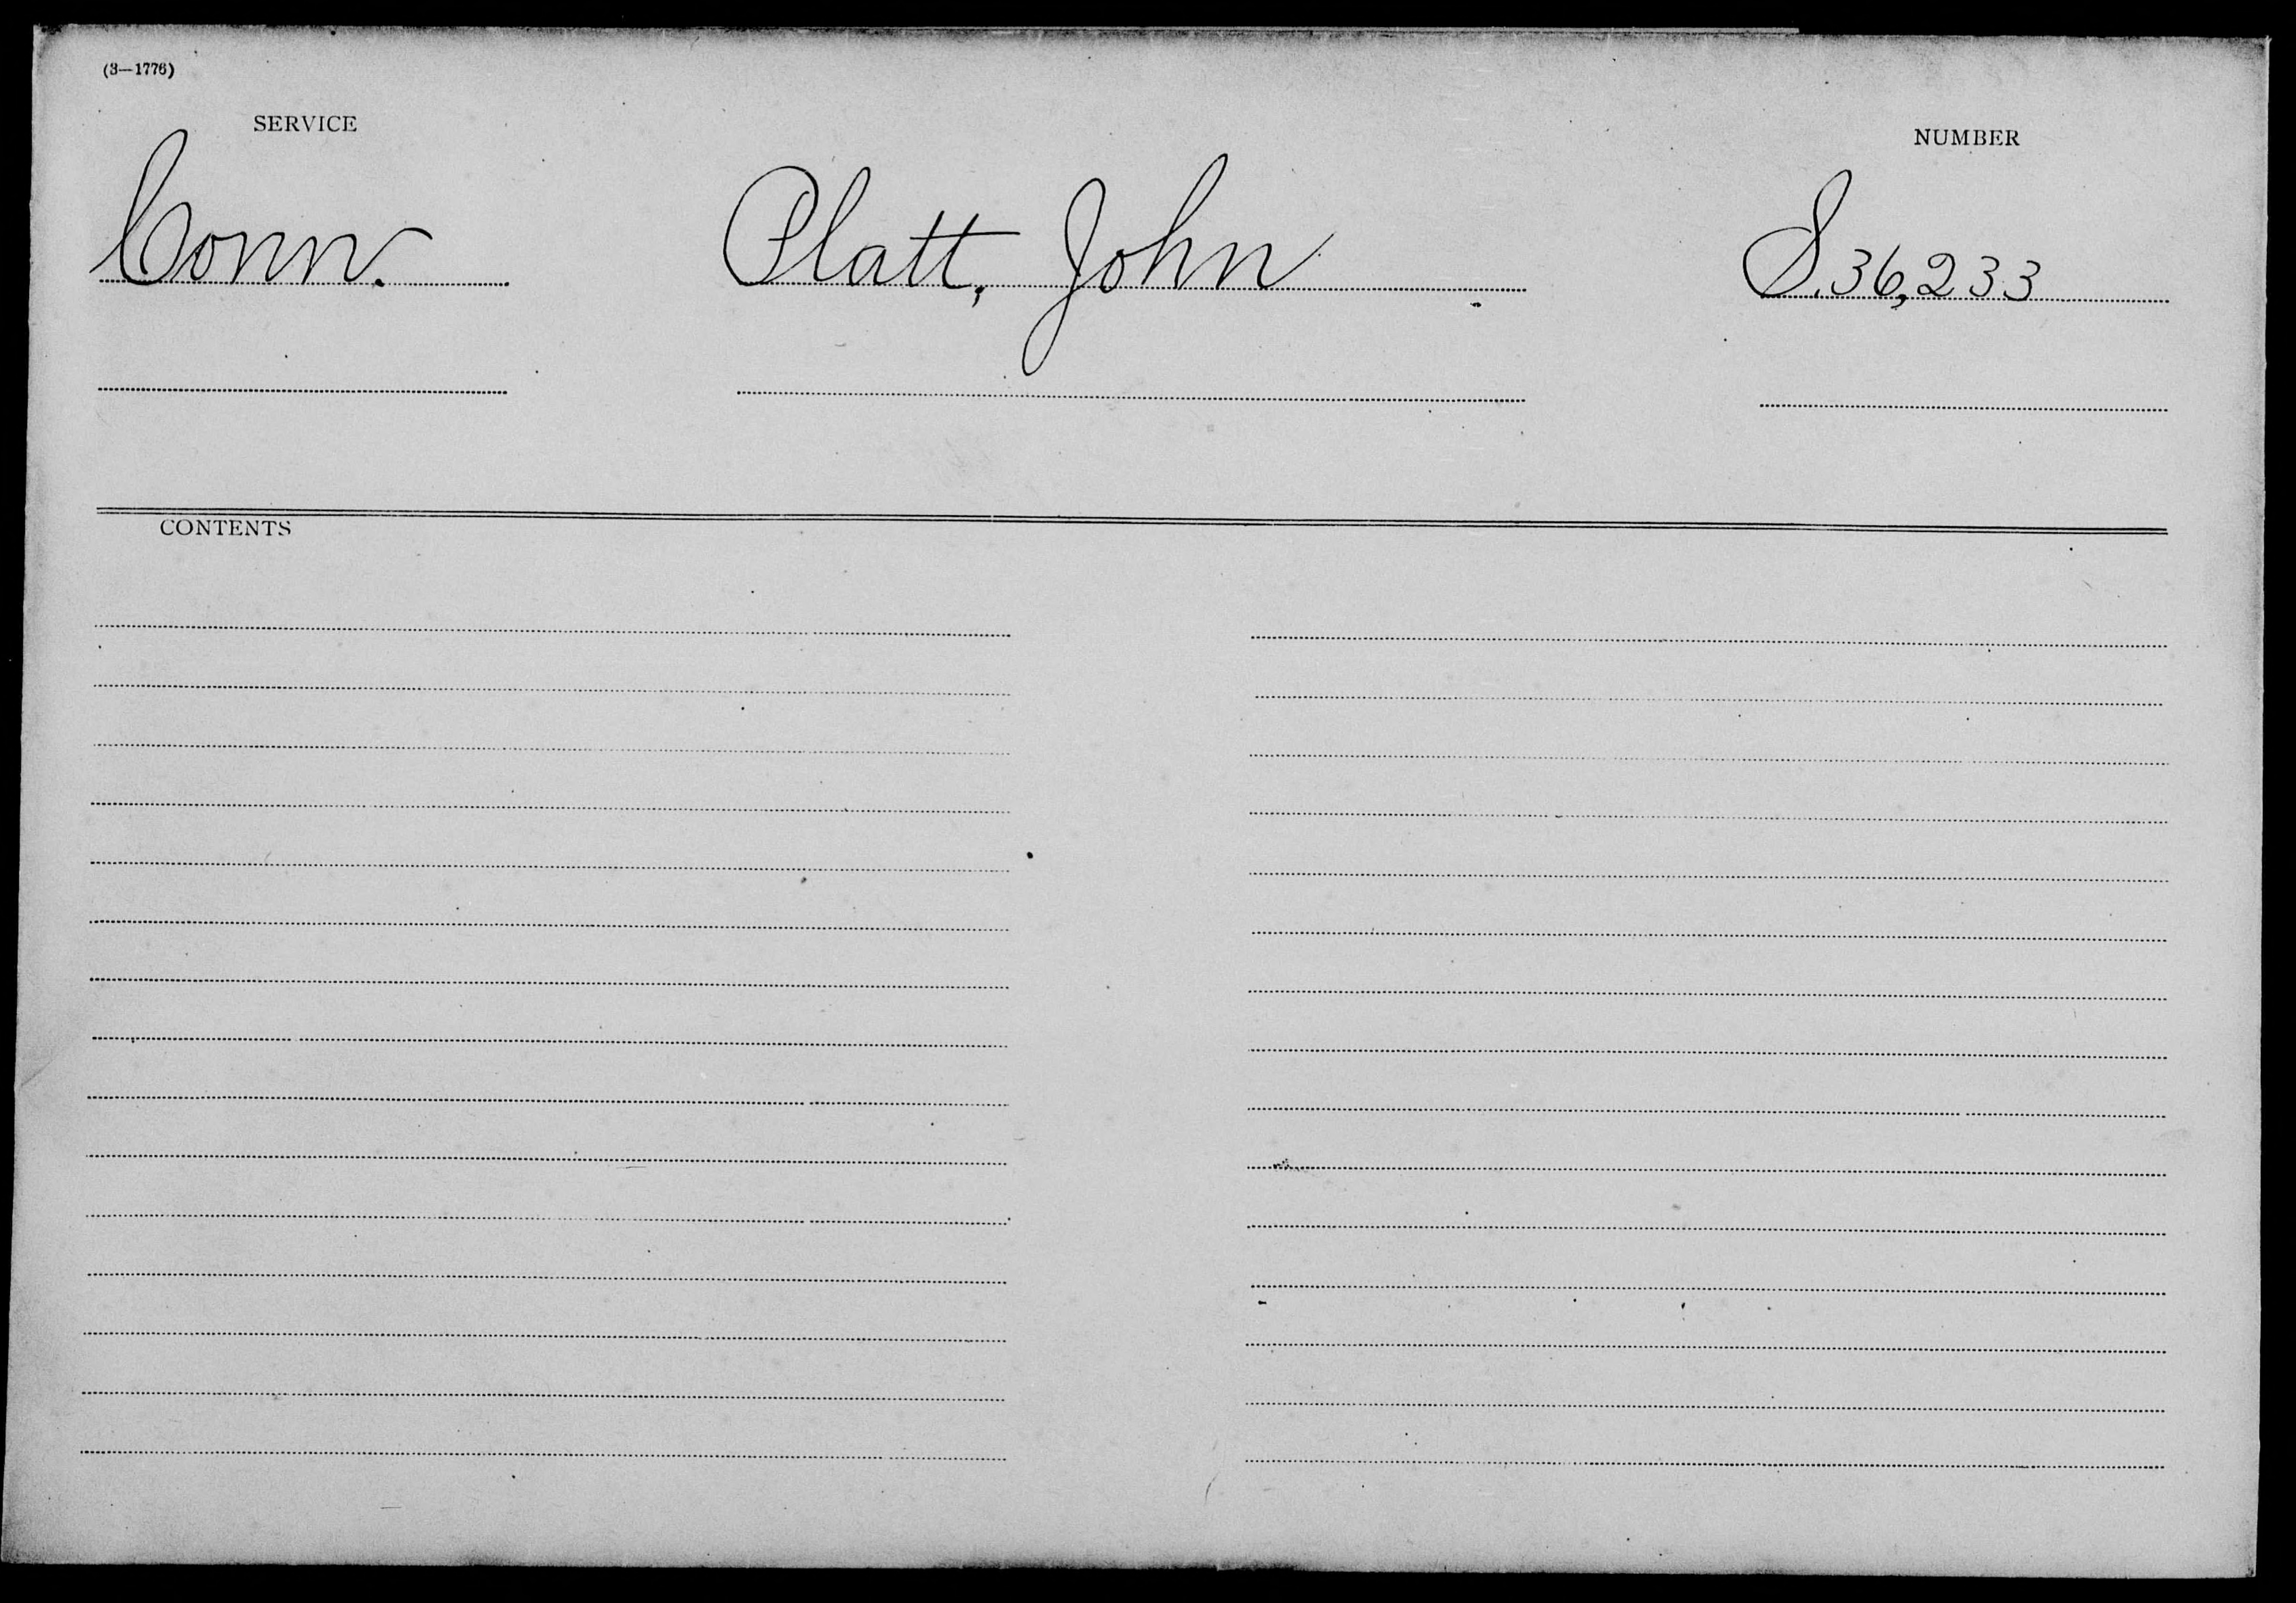(3 - 1776)
SERVICE NUMBER
Conn. Platt, John S. 36,233
CONTENTS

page: 1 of 12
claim: survivor's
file: S. 36,233, for John Platt, Connecticut